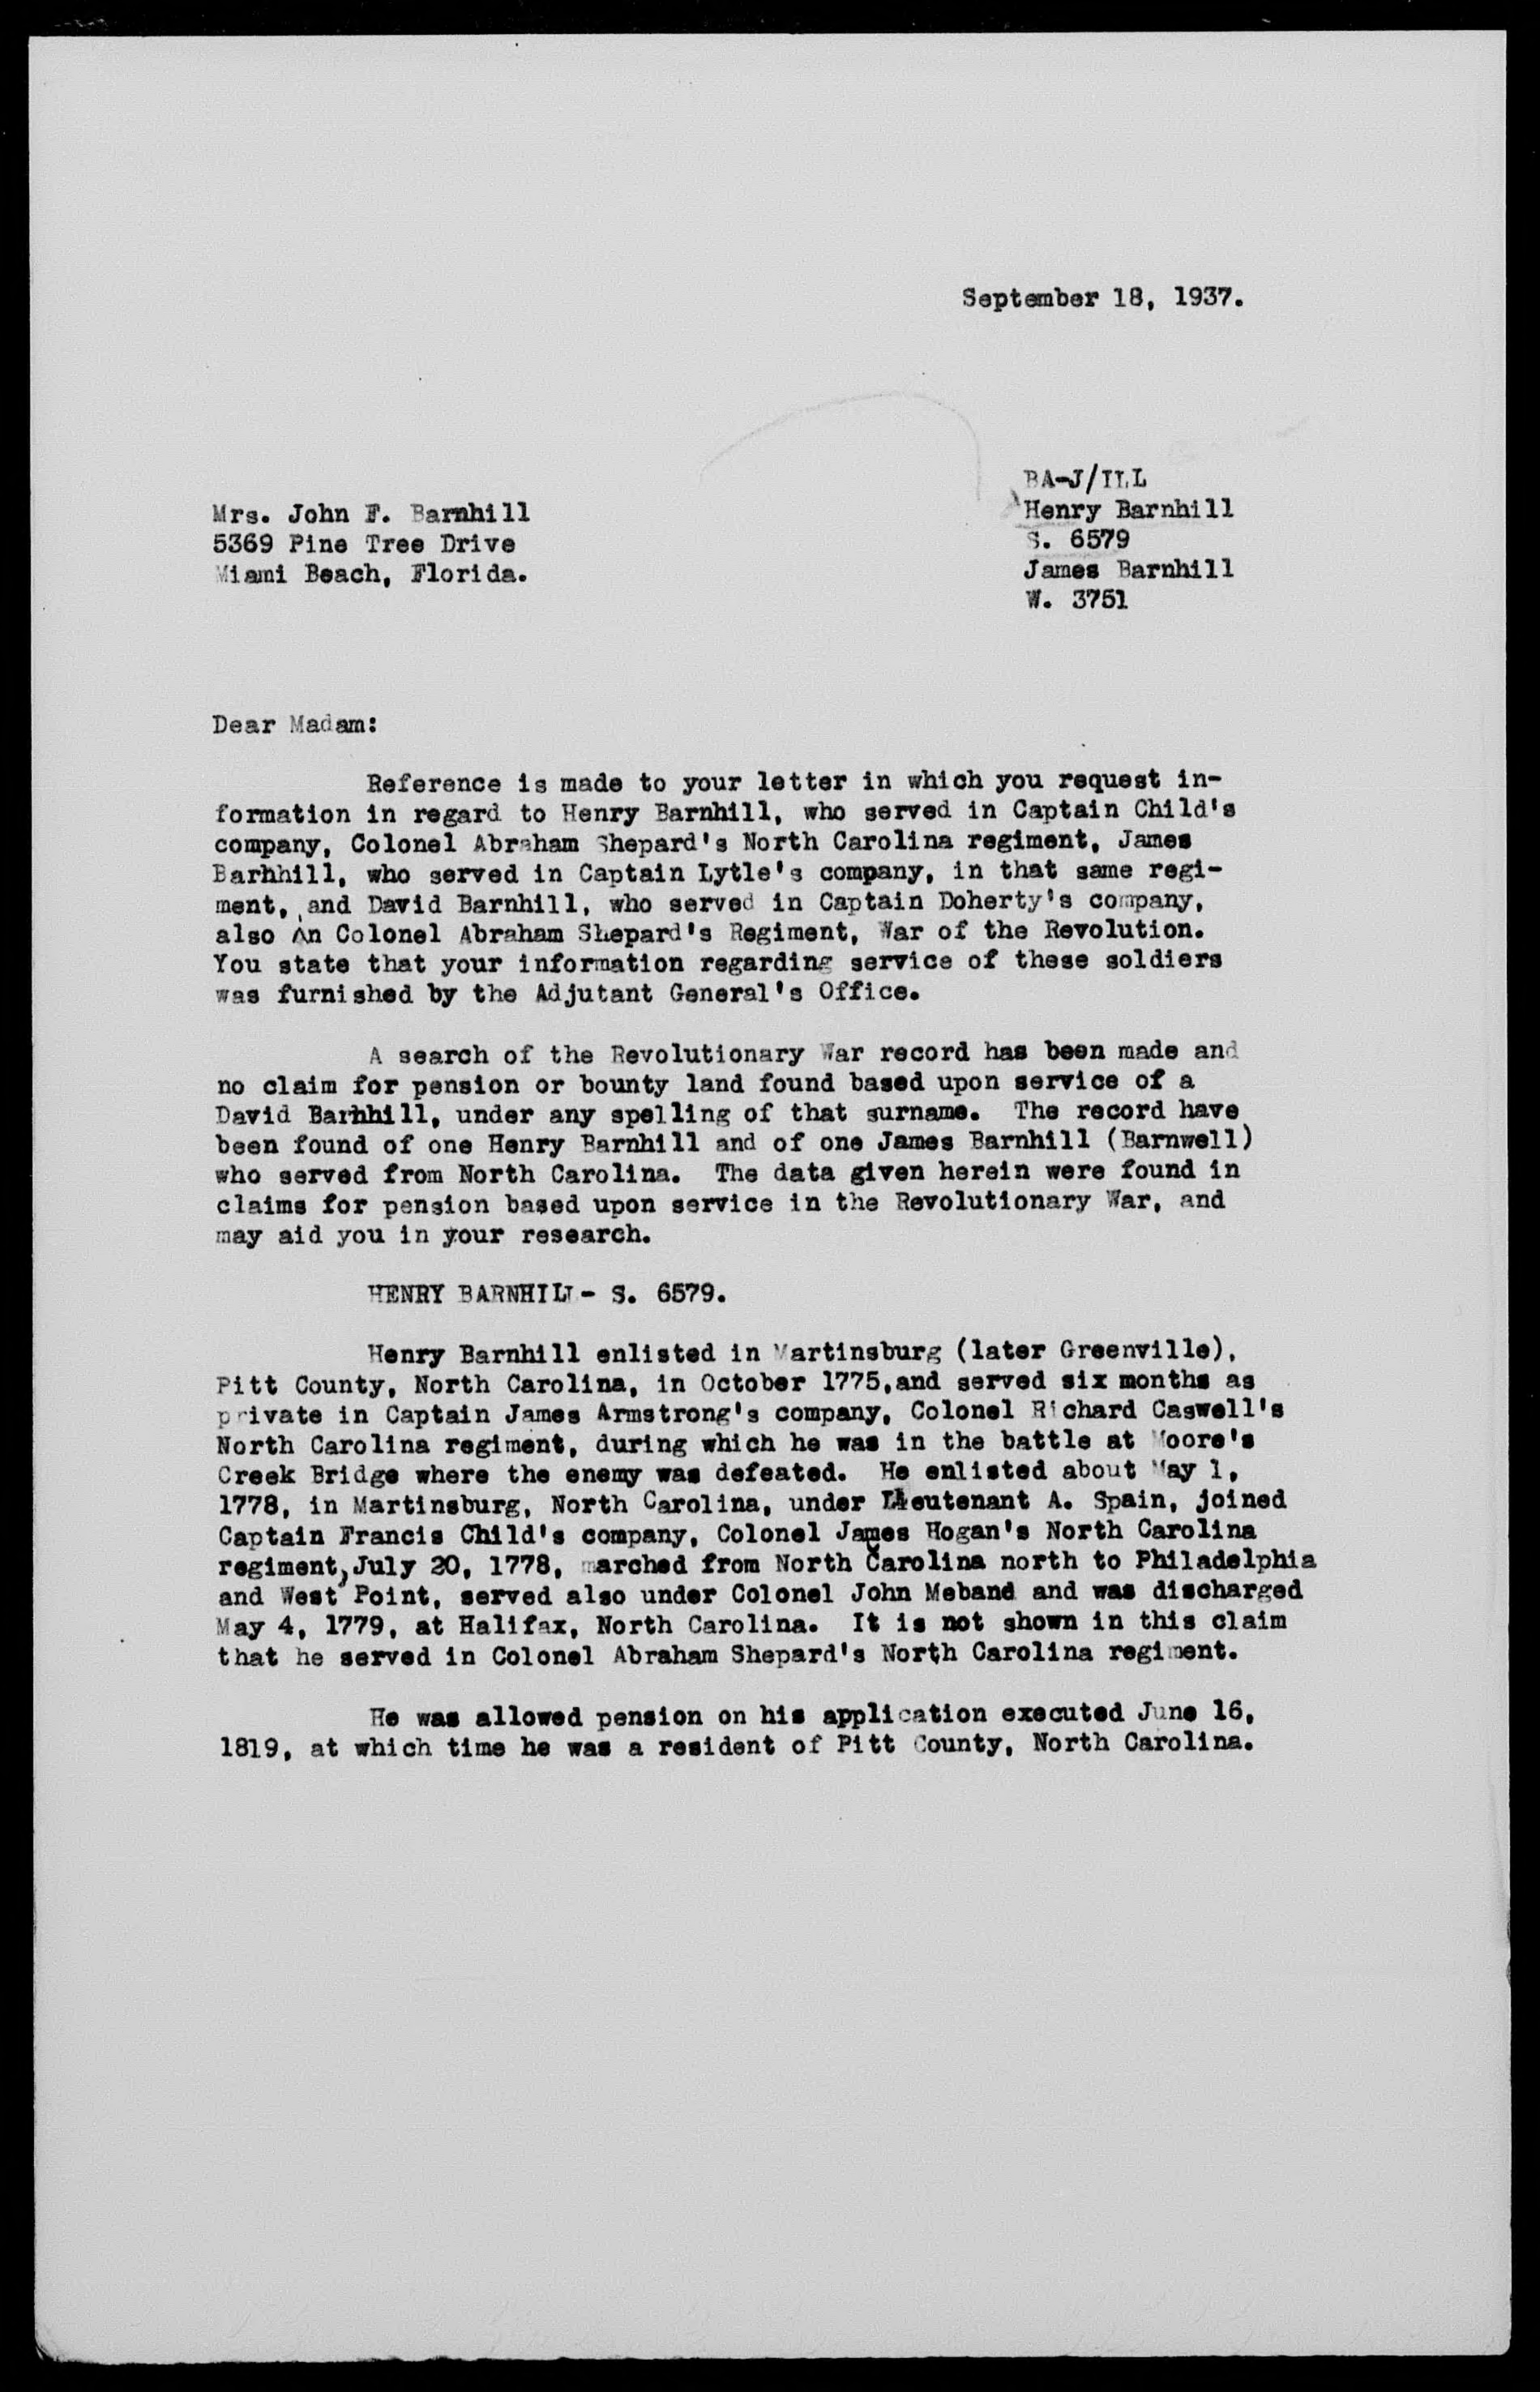September 18, 1937.

BA-J/ILL
Henry Barnhill
S. 6579
James Barnhill
W. 3751

Mrs. John F. Barnhill
5369 Pine Tree Drive
Miami Beach. Florida.

Dear Madam:
Reference is made to your letter in which you request information in regard to Henry Barnhill, who served in Captain Child's company, Colonel Abraham Shepard's North Carolina regiment, James Barnhill, who served in Captain Lytle's company, in that same regiment, and David Barnhill, who served in Captain Doherty's company, also in Colonel Abraham Shepard's Regiment, War of the Revolution. You state that your information regarding service of these soldiers was furnished by the Adjutant General's Office.

A search of the Revolutionary War record has been made and no claim for pension or bounty land found based upon service of a David Barnhill, under any spelling of that surname. The record have been found of one Henry Barnhill and of one James Barnhill (Barnwell) who served from North Carolina. The data given herein were found in claims for pension based upon service in the Revolutionary War, and may aid you in your research.

HENRY BARNHILL - S. 6579.

Henry Barnhill enlisted in Martinsburg (later Greenville), Pitt County, North Carolina, in October 1775, and served six months as private in Captain James Armstrong's company, Colonel Richard Caswell's North Carolina regiment, during which he was i the battle at Moore's Creek Bridge where the enemy was defeated. He enlisted about May 1, 1778, in Martinsburg, North Carolina, under Lieutenant A. Spain, joined Captain Francis Child's company, Colonel James Hogan's North Carolina regiment, July 20, 1778, marched from North Carolina north to Philadelphia and West Point, served also under Colonel John Mebane and was discharged May 4, 1779, at Halifax, North Carolina. It is not shown in this claim that he served in Colonel Abraham Shepard's North Carolina regiment.

He was allowed pension on his application executed June 16, 1819, at which time he was a resident of Pitt County, North Carolina.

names: Henry Barnhill, David Barnhill, James Barnhill, Henry Barnhill, James Barnhill, Henry Barnhill, James Barnhill, Henry Barnhill, John F Barnhill, John Meband, David Barnhill, Henry Barnhill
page: 9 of 42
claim: survivor's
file: S. 6579, Henry Barnhill, N. C.